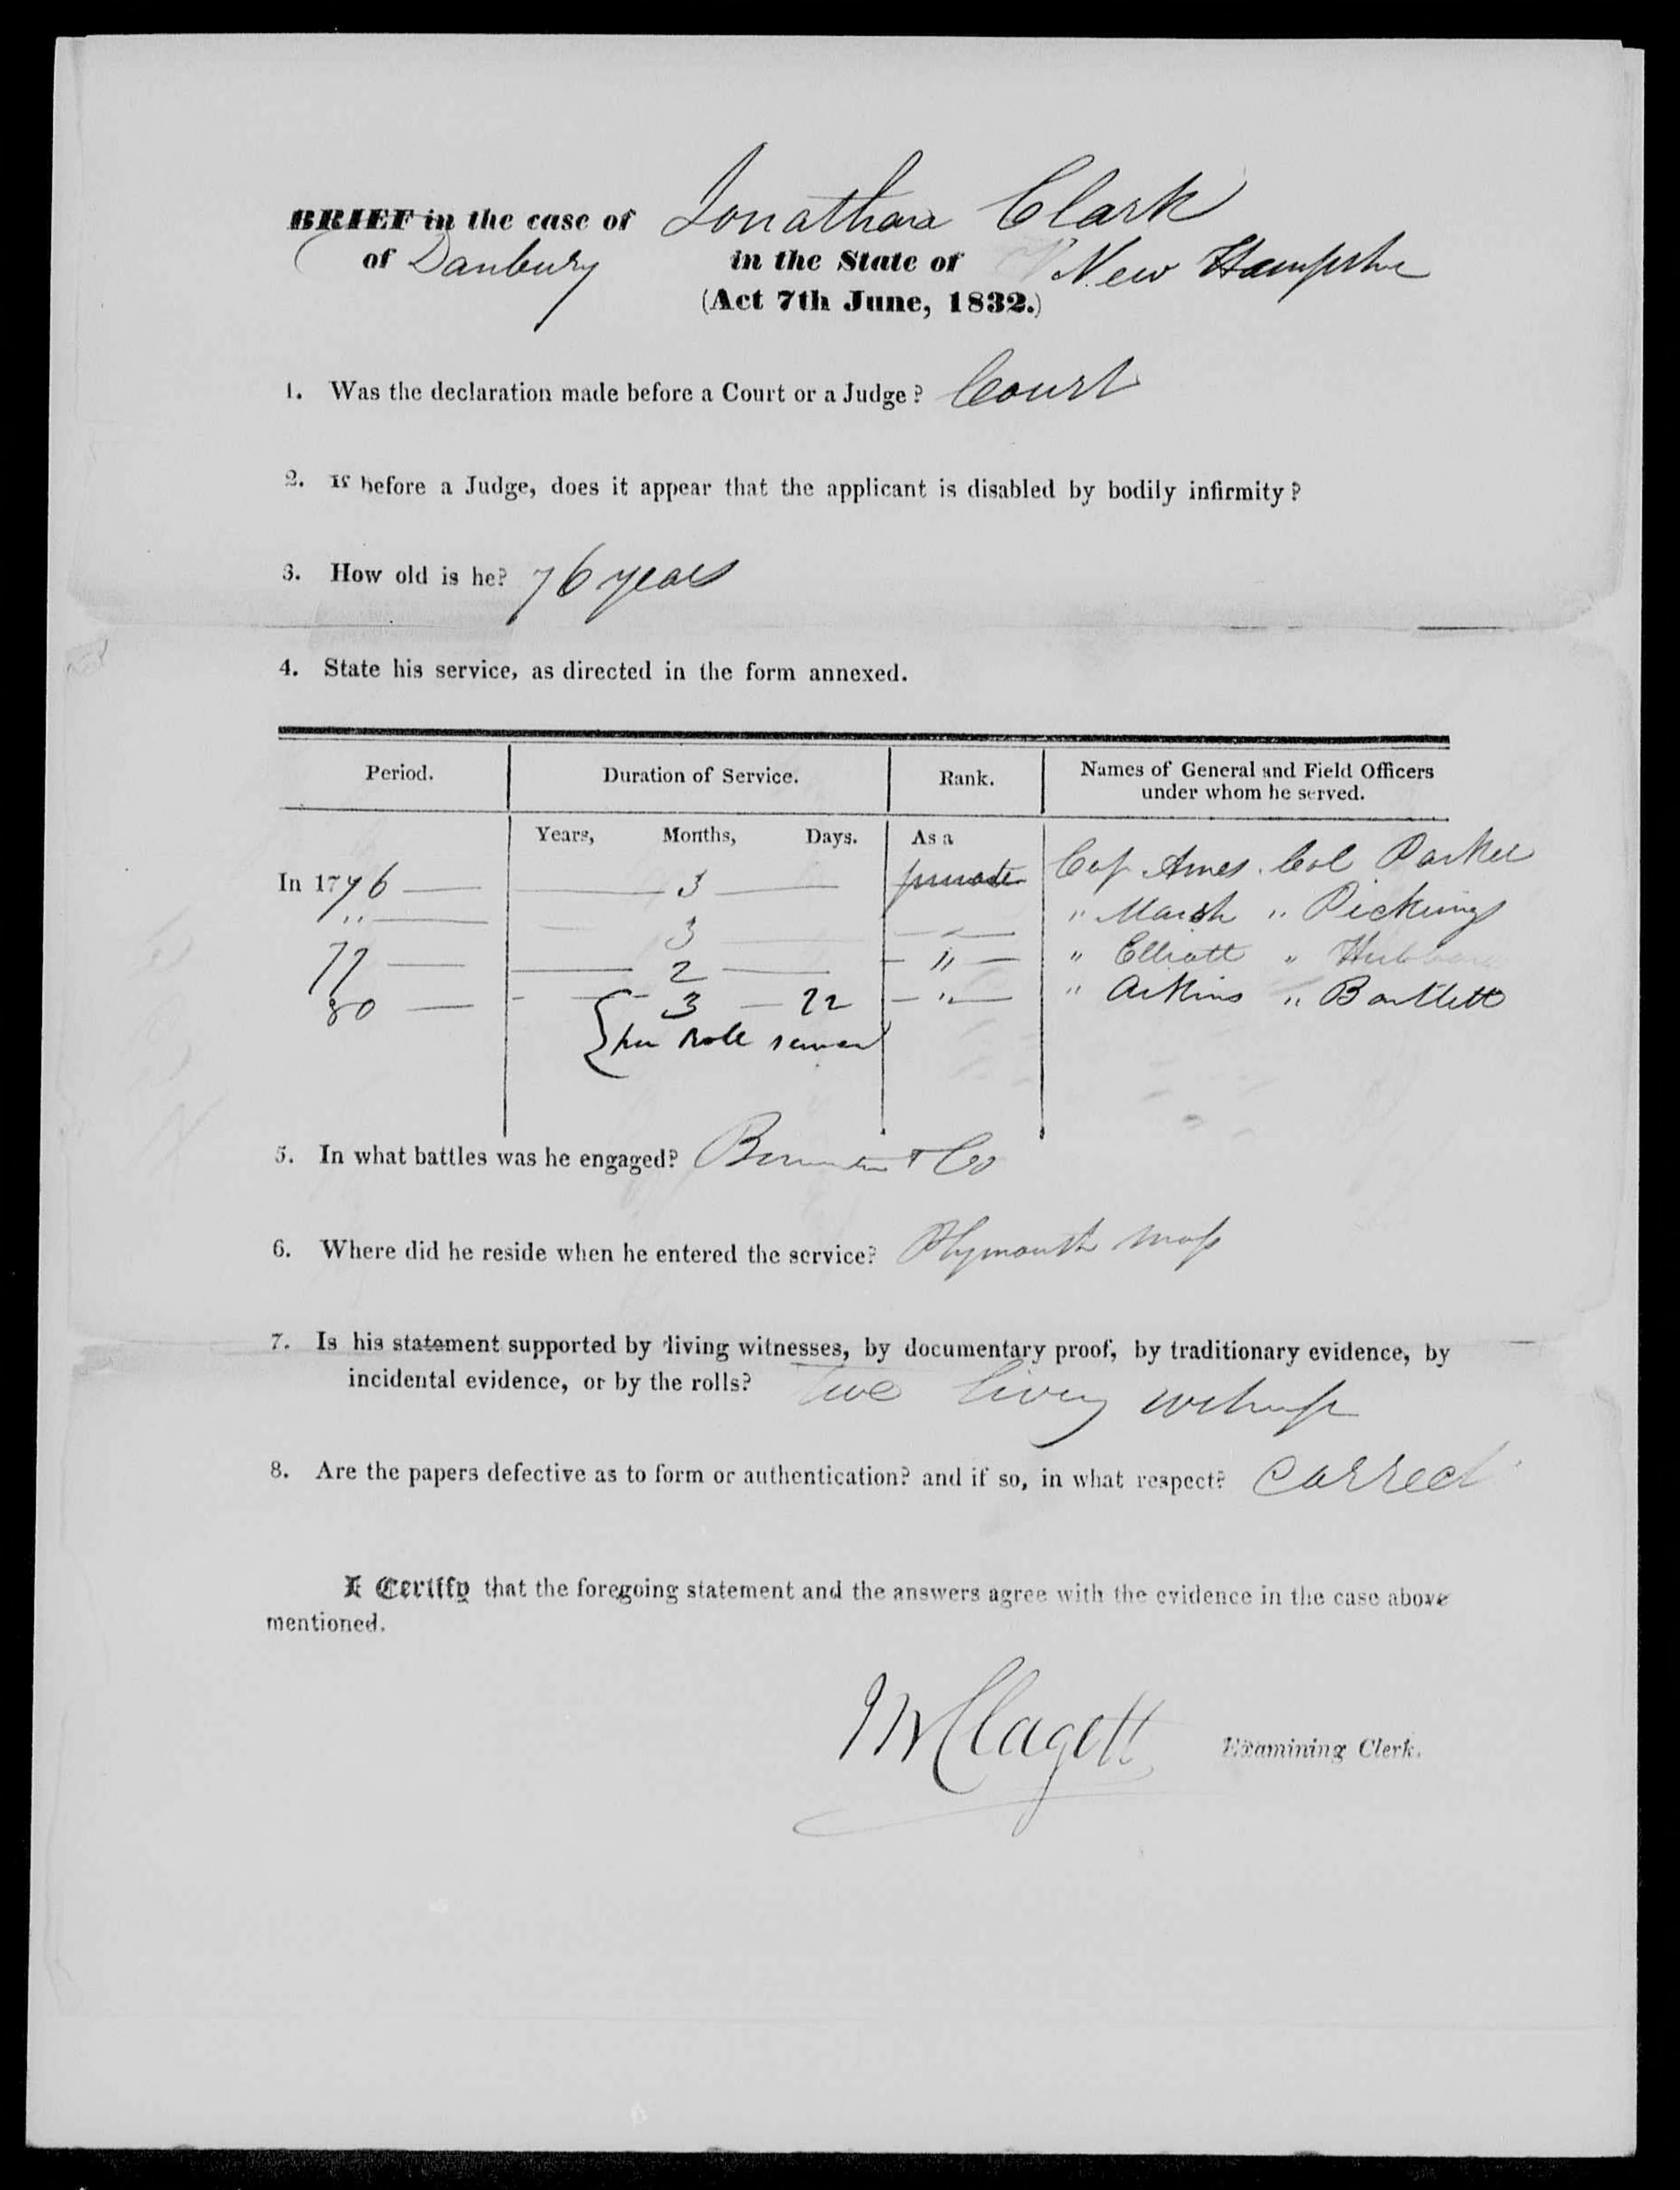BRIEF in the case of
of Danbury
Jonathan Clark
in the State of New Hampshire
(Act 7th June, 1832.)
Was the declaration made before a Court or a Judge? Court
2. If before a Judge, does it appear that the applicant is disabled by bodily infirmity?
3. How old is he? 76 years
4. State his service, as directed in the form annexed.

[Chart]
Period.
In 1776
-
77
80

Duration of Service.
Years,
Months,
3 -
3
2
Days.
22
his role served

Rank.
As a
private
"
"
"
Names of General and Field Officers
under whom he served.
 CapAmes Col Parker
" Marsh " Pickings
" Elliot " Hubbard
" Aikins " Bartlett

5. In what battles was he engaged? Bennington Co
6. Where did he reside when he entered the service? Plymouth Mass
7. Is his statement supported by living witnesses, by documentary proof, by traditionary evidence, by
incidental evidence, or by the rolls? Two living witness
8. Are the papers defective as to form or authentication? and if so, in what respect? Correct
I Certify that the foregoing statement and the answers agree with the evidence in the case above
M Clagett
Examining Clerk.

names: Aikins, Marsh, Elliott, J W Clagett, Jonathan Clark, Ames, Bartlett, Parker, Pickings, Hubbard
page: 6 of 18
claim: survivor's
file: S. 12,512, Jonathan Clark, Mass. N.H.